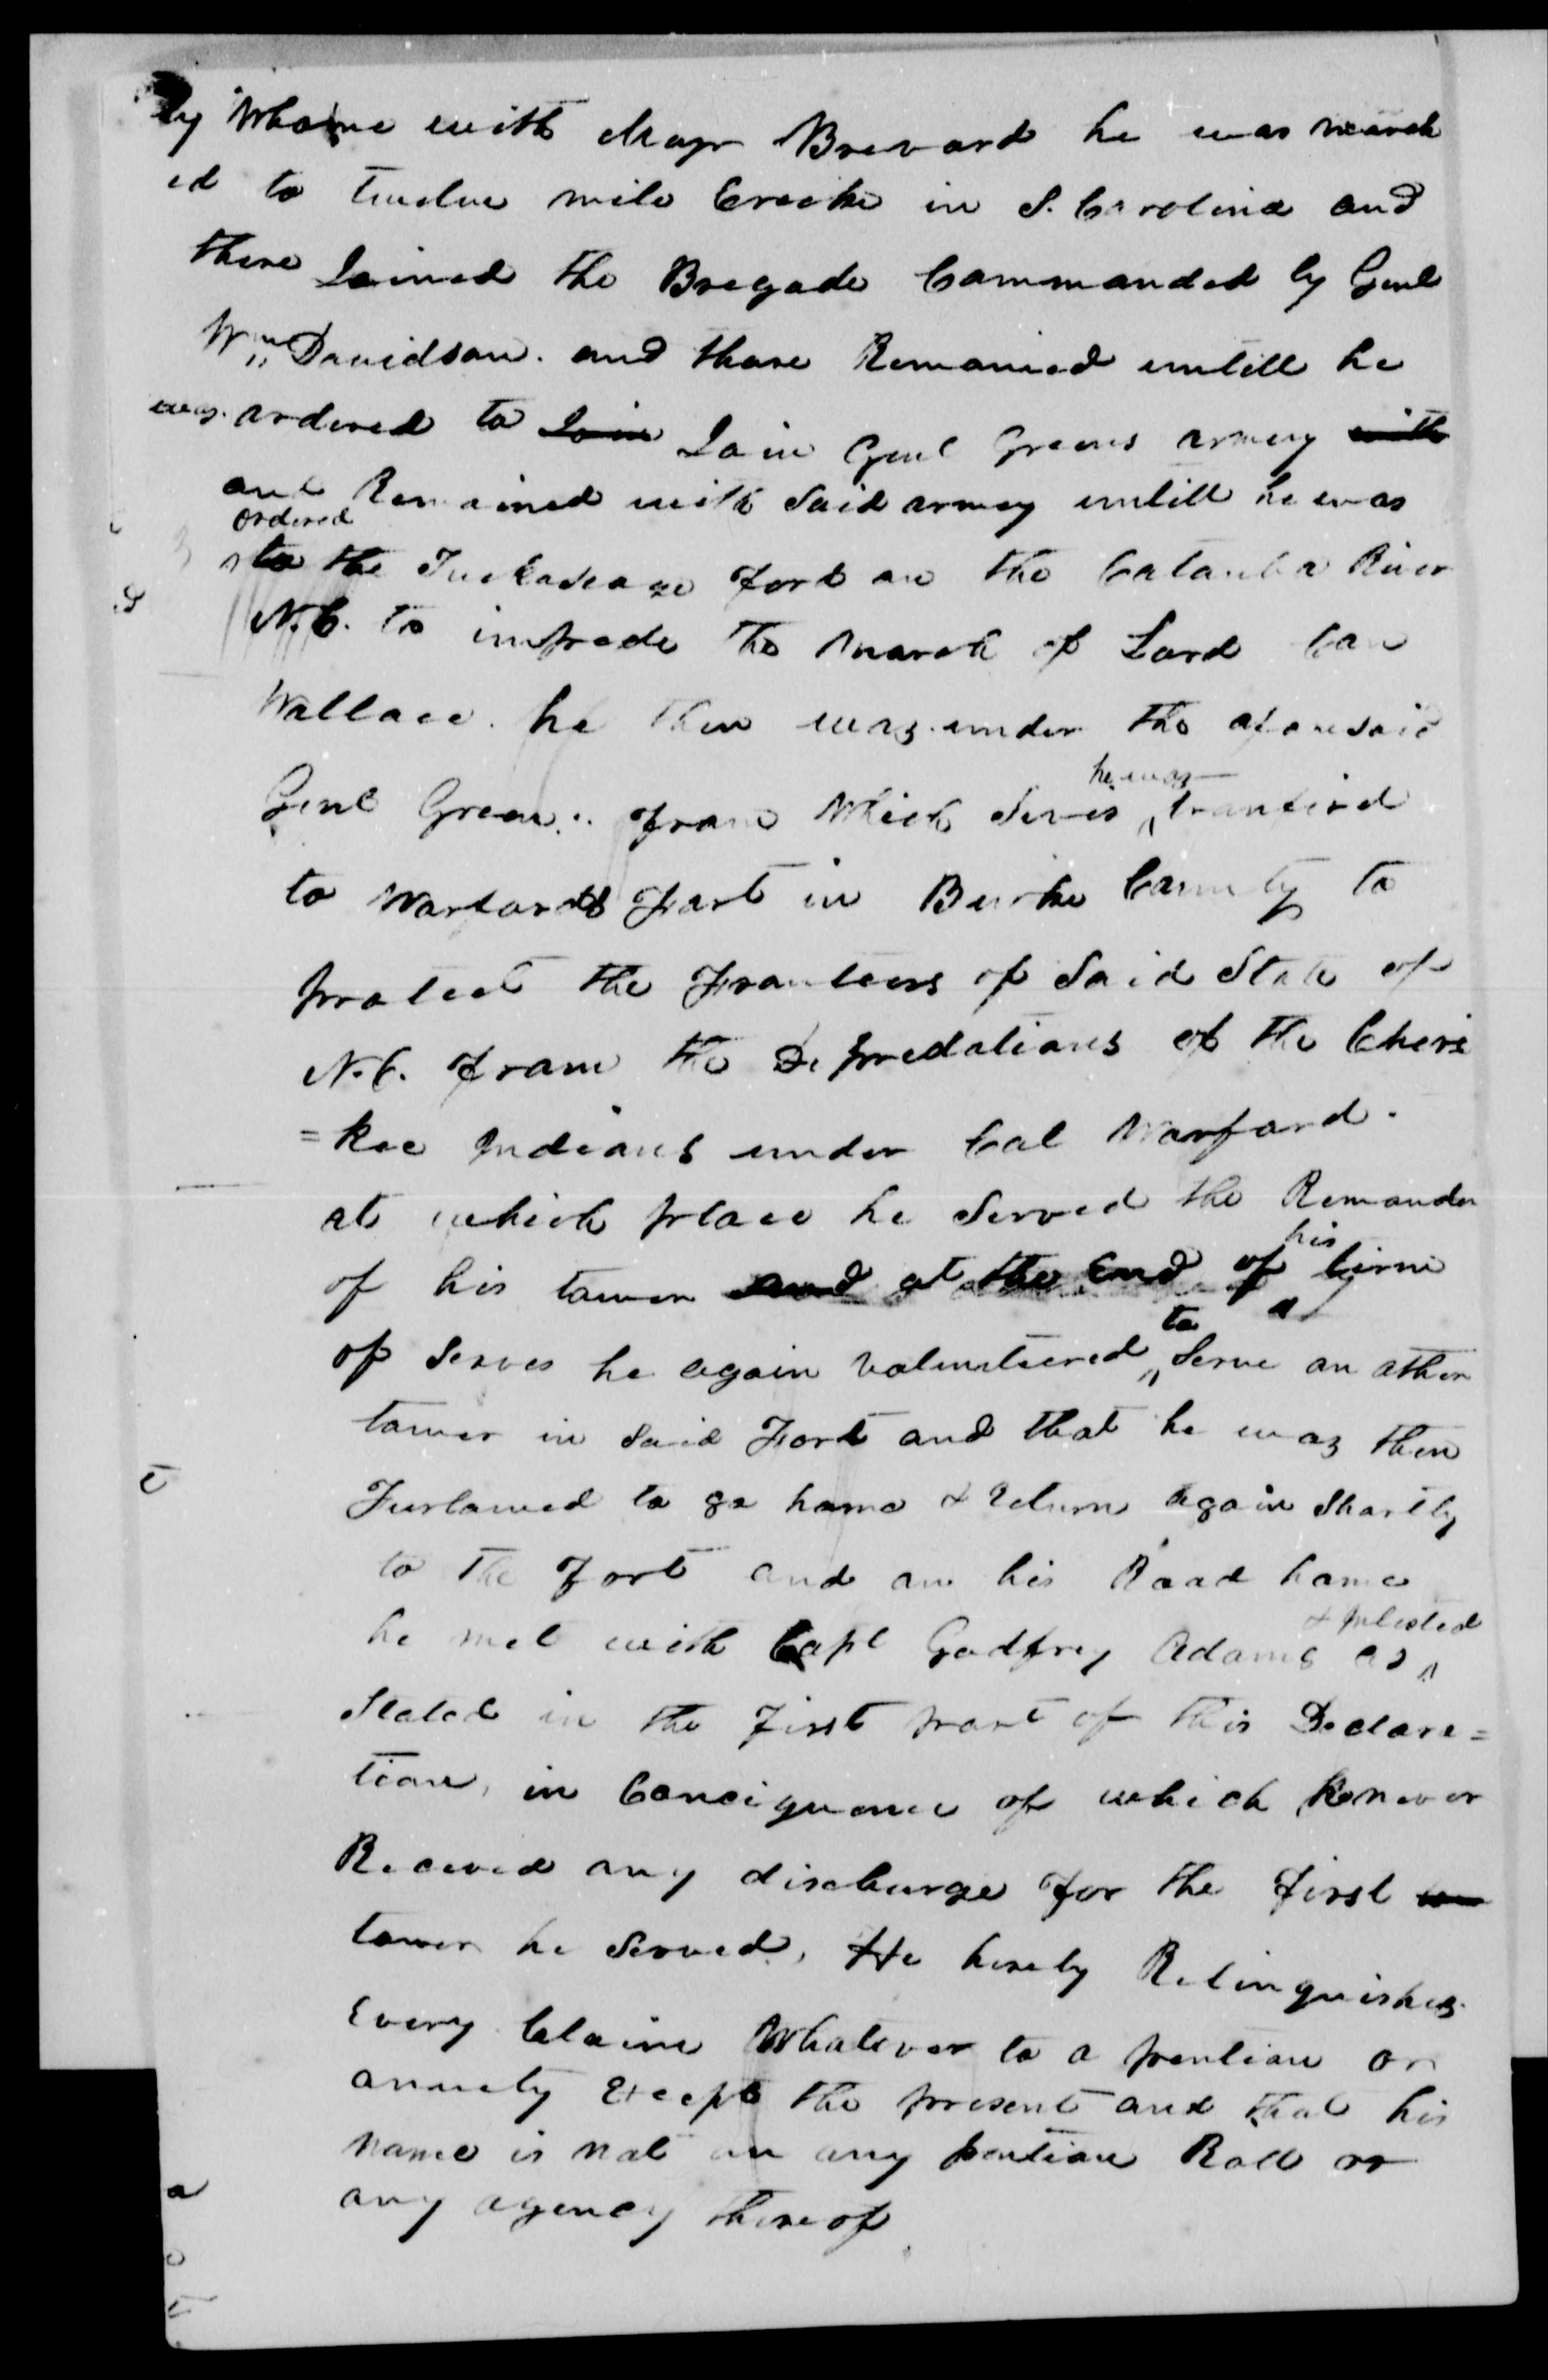by whom with Major Brevard he was march
to twelve mile creek in S. Carolina and
there gained the Brigade Commanded by Genl.
Wm. Davidson and there remained untill he
ordered to Join in Genl Greens army
and remained with said army until he was
Ordered to 
the Tuckaseegee ford on the Catawba River N. C. to impede to march of Lord Cornwallis, he then was under the aforesaid
he was Genl. Green from which service he was  transferred
to Warland Fort in Burke County to [illegible] the [illegible] of said State of
N. C. from the depredations of the Cherokee Indians under Col Warford
at which place he served the remainder
of his tour and at the end of his time
of service he again volunteered to serve another
tour in said Fort and that he was then
Furloughed to go home & return again shortly
to the fort and on his Road home
he met with Capt. Godfrey Adams and enlisted.
as Stated in the first part of this declaration, in consequence of which he never
Received any discharge for the first
tour he served. He hereby relinquishes
Every claim whatever to a pension or
annuity except the present and that his
name is not on any pension Roll or
any agency thereof
.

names: [BLANK] Warford; [BLANK] Greene; Godfrey Adams; Wm Davidson; [BLANK] Corn Wallace; [BLANK] Barnard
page: 8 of 63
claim: widow's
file: W. 6158, for Benjamin Spencer, North Carolina